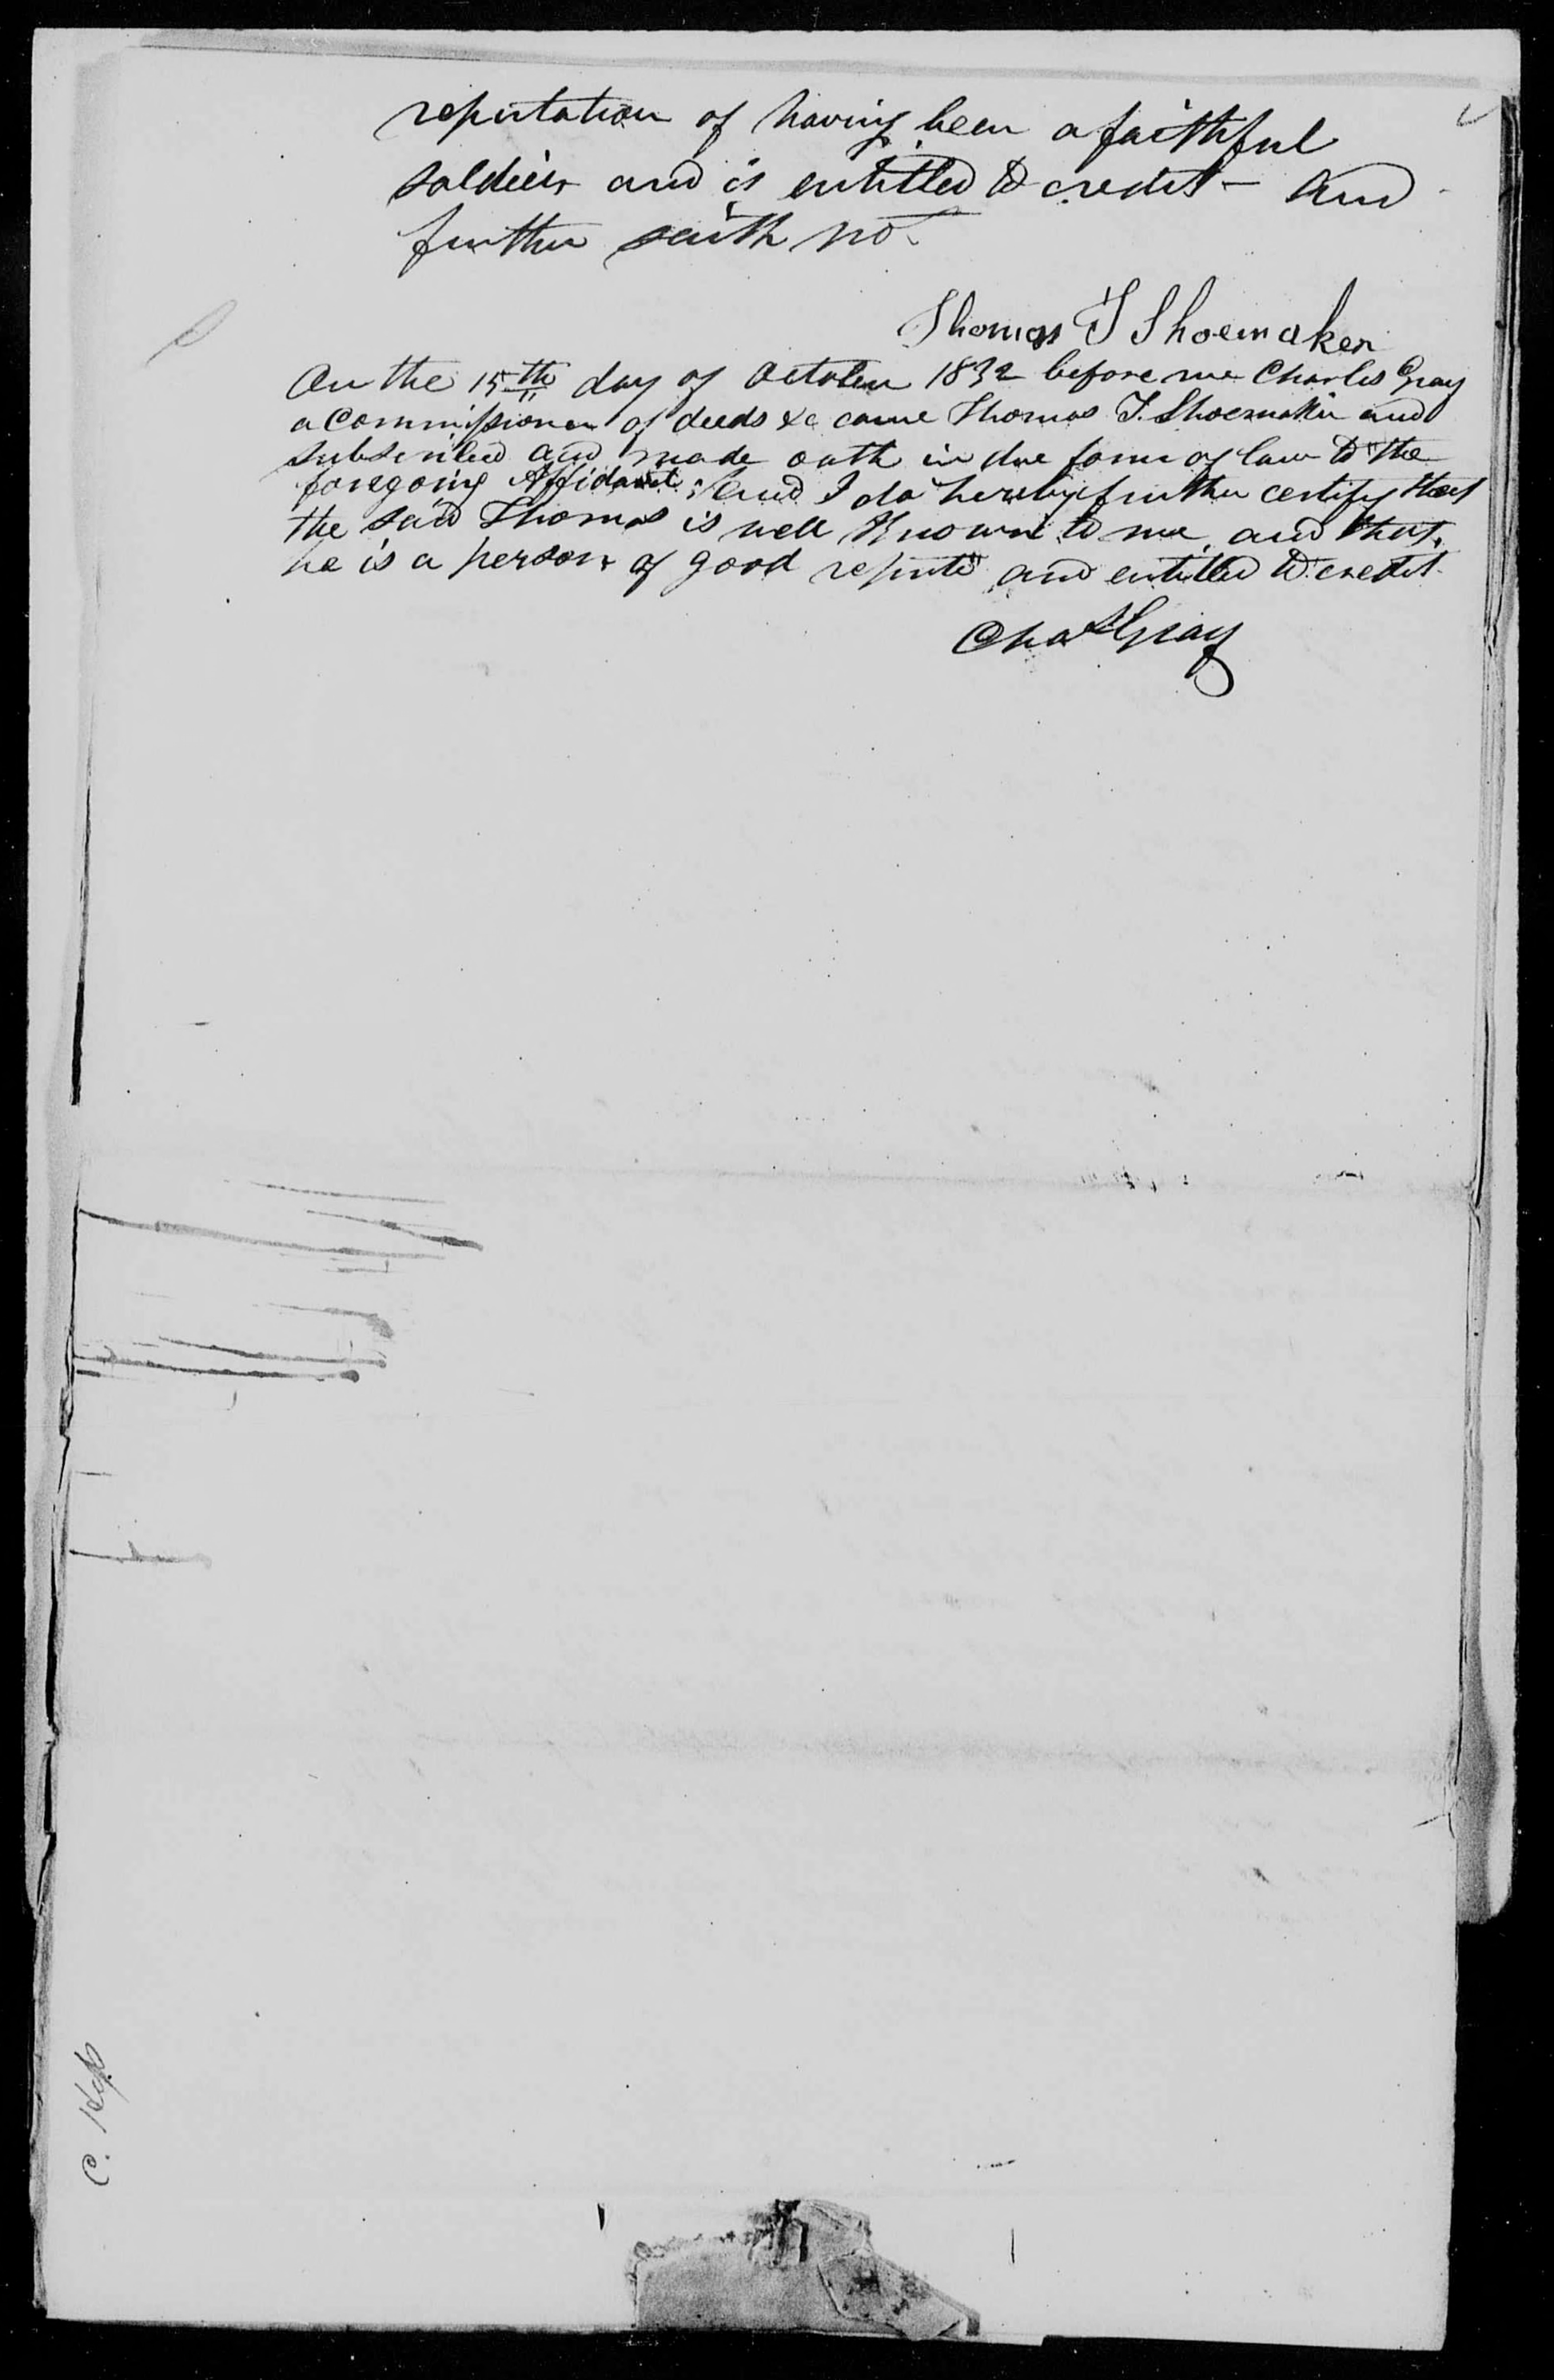[handwritten]

reputation of having been a faithful soldier and is entitled to credit - and further saith not
Thomas T Shoemaker [signature]
On the 15th day of October 1832 before me Charles Gray a commissioner of deeds &c. came Thomas T. Shoemaker and subscribed and made oath in the form of law to the foregoing affidavit and I do hereby further certify that the said Thomas is well known to me and that he is a person of good repute and entitled benefit.
Charles Gray  [signature]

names: Thomas T Shoemaker, Thomas, Thomas T Shoemaker, Chas Gray, Charles Gray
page: 11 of 30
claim: rejected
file: R. 4927, Conrad Hess, New York